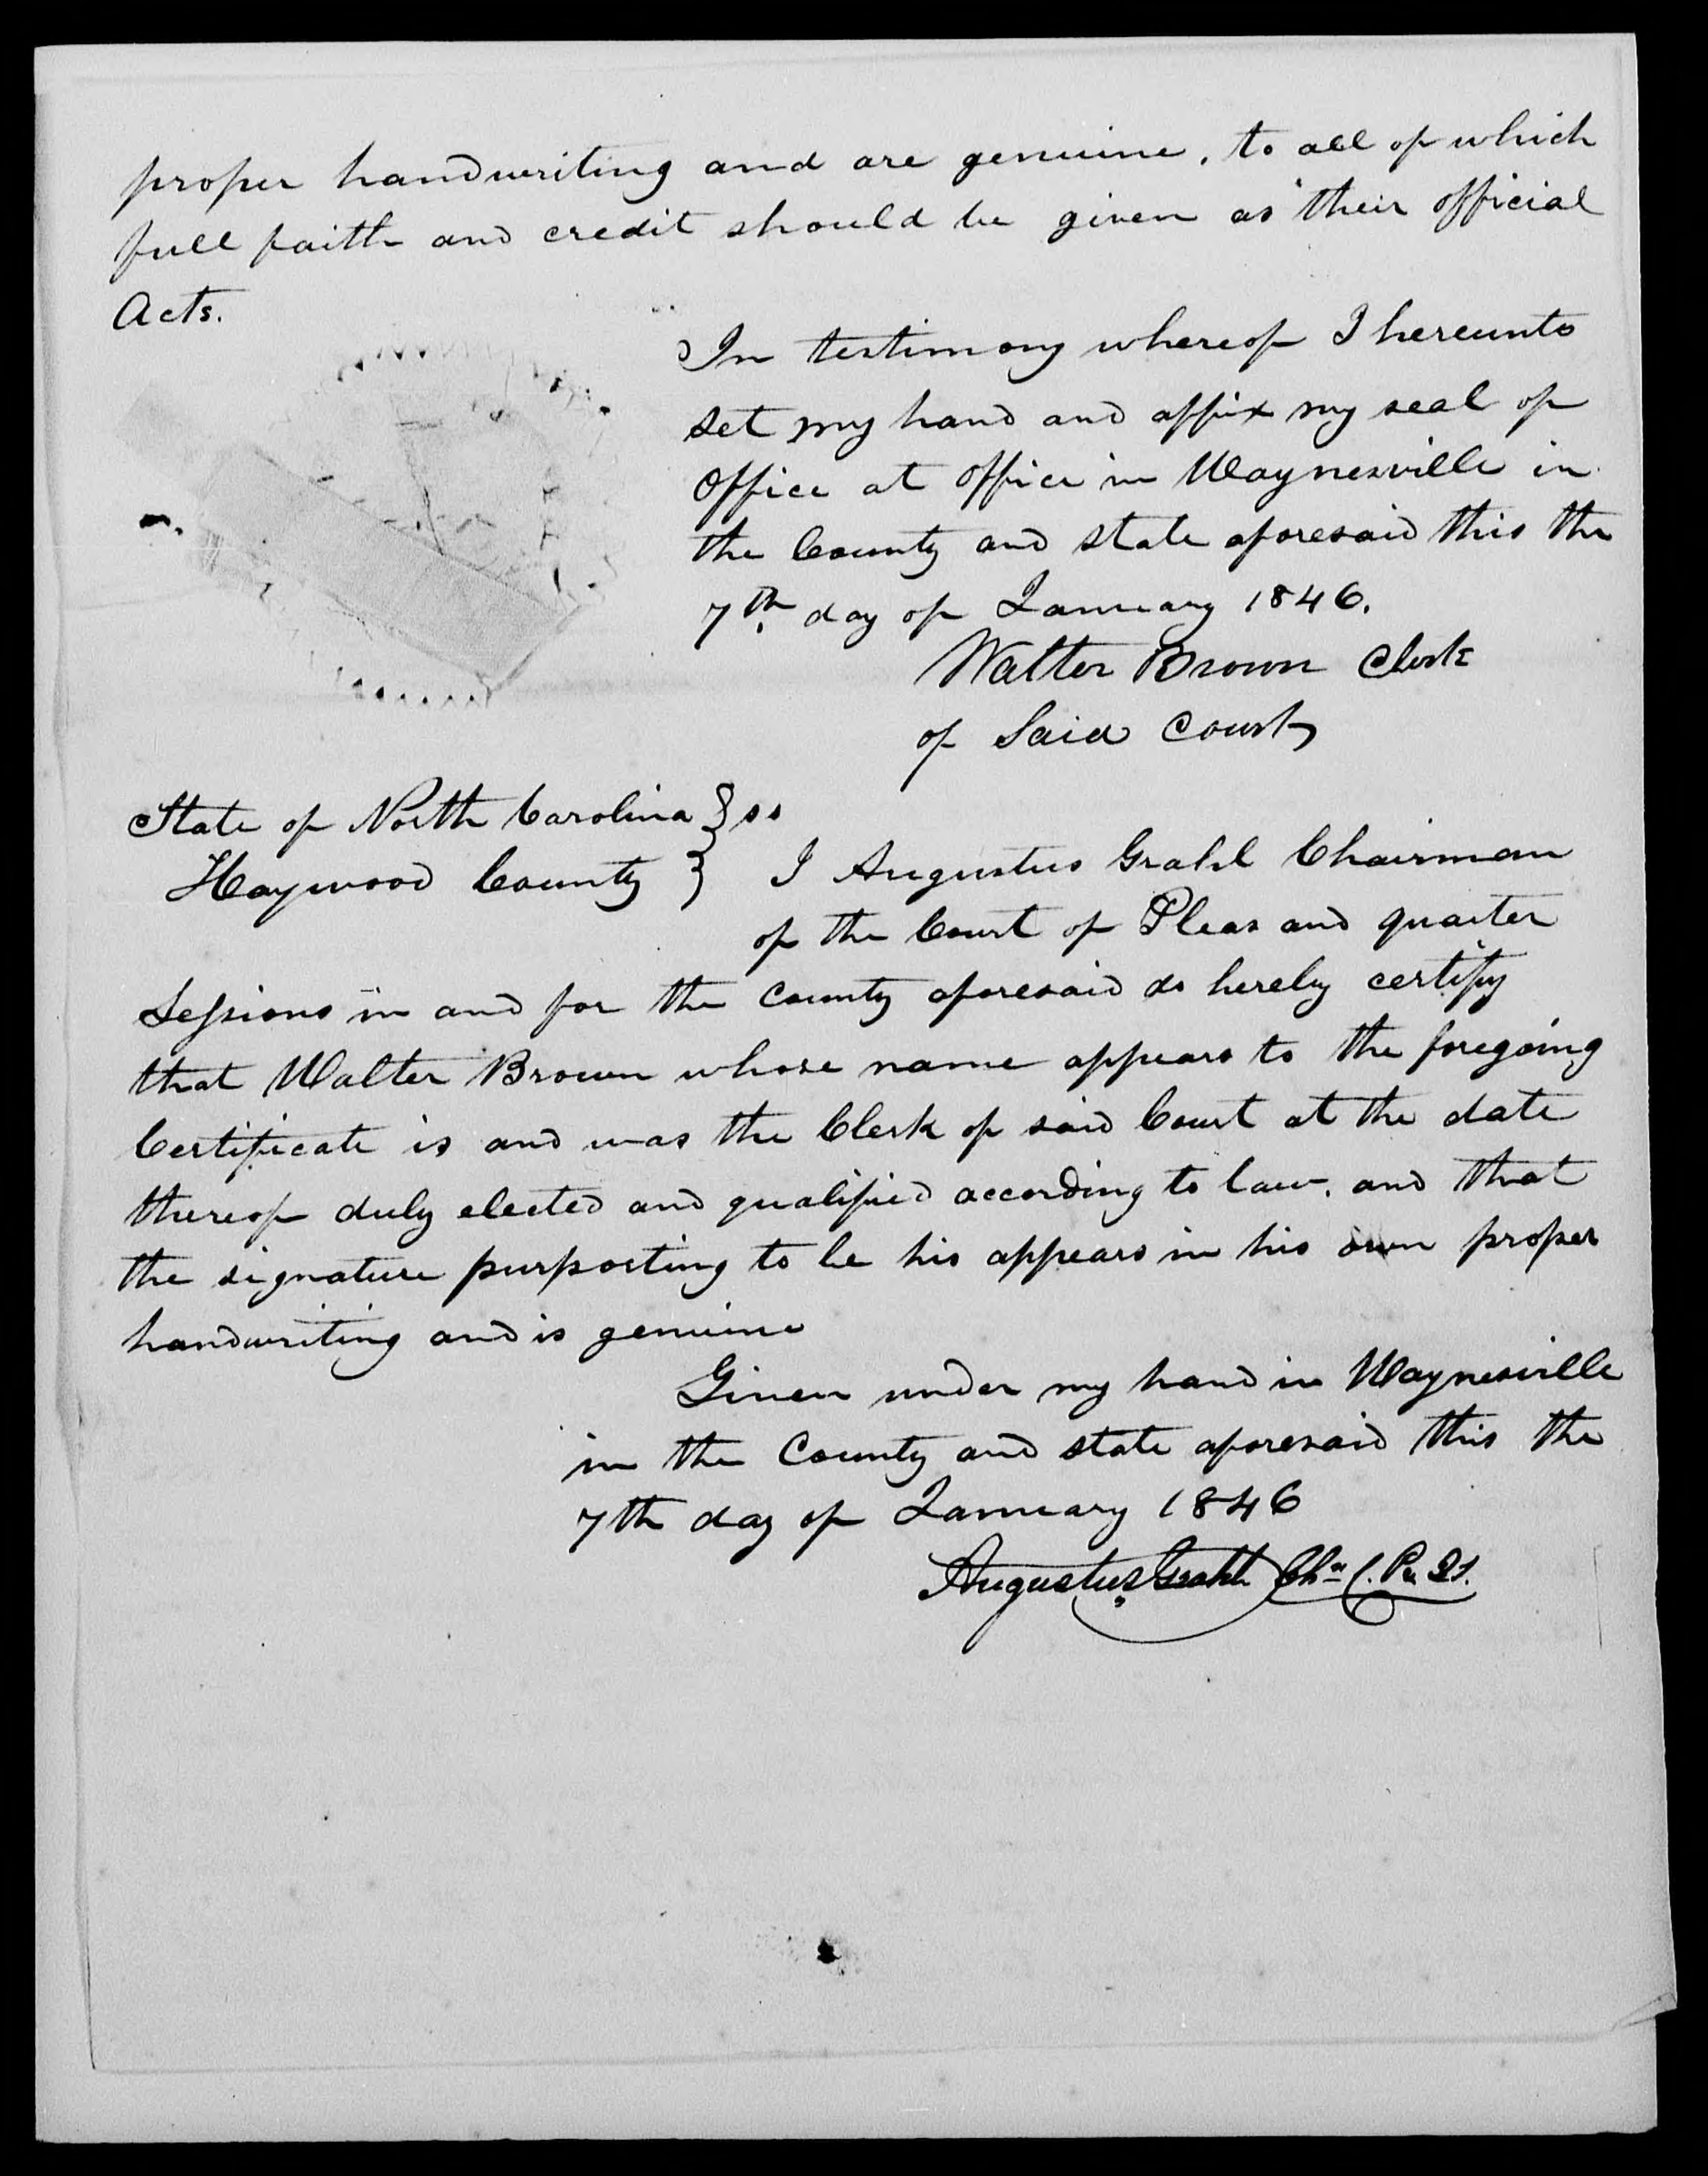proper handwriting and are genuine, to all of which full faith and credit should be given as their official Acts. 

[To the left side of the record, there is what appears to be a paper covering, mostly circular with pinked edges, and a paper slip attached and running slightly diagonally at the bottom of the paper.  The paper appears to be covering an embossed seal.  Written beside it is this text:]  In testimony whereof I hereunto set my hand and affix my seal of Office at office in Waynesville in the County and state aforesaid this the 7th day of January 1846.  Walter Brown  Clerk of Said Court,

State of North Carolina} ss
Haywood County}  I Augustus Grahl Chairman of the Court of Pleas and quarter Sessions in and and for the county aforesaid do hereby certify that Walter Brown whose name appears to the foregoing Certificate is and was the Clerk of said Court at the date thereof duly elected and qualified according to law, and that the signature purporting to be his appears in his own proper handwriting and is genuine.

Given under my hand in Waynesville. in the County and state aforesaid this the 7th day of January 1846
Augustus Grahl Chn C Ps Qs. [probably meaning Chairman of the Court of Pleas and Quarter Sessions.]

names: Augustus Grahl, Walter Brown, Augustus Grahl, Walter Brown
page: 15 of 50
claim: widow's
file: W. 898, William Bugg, N.C.